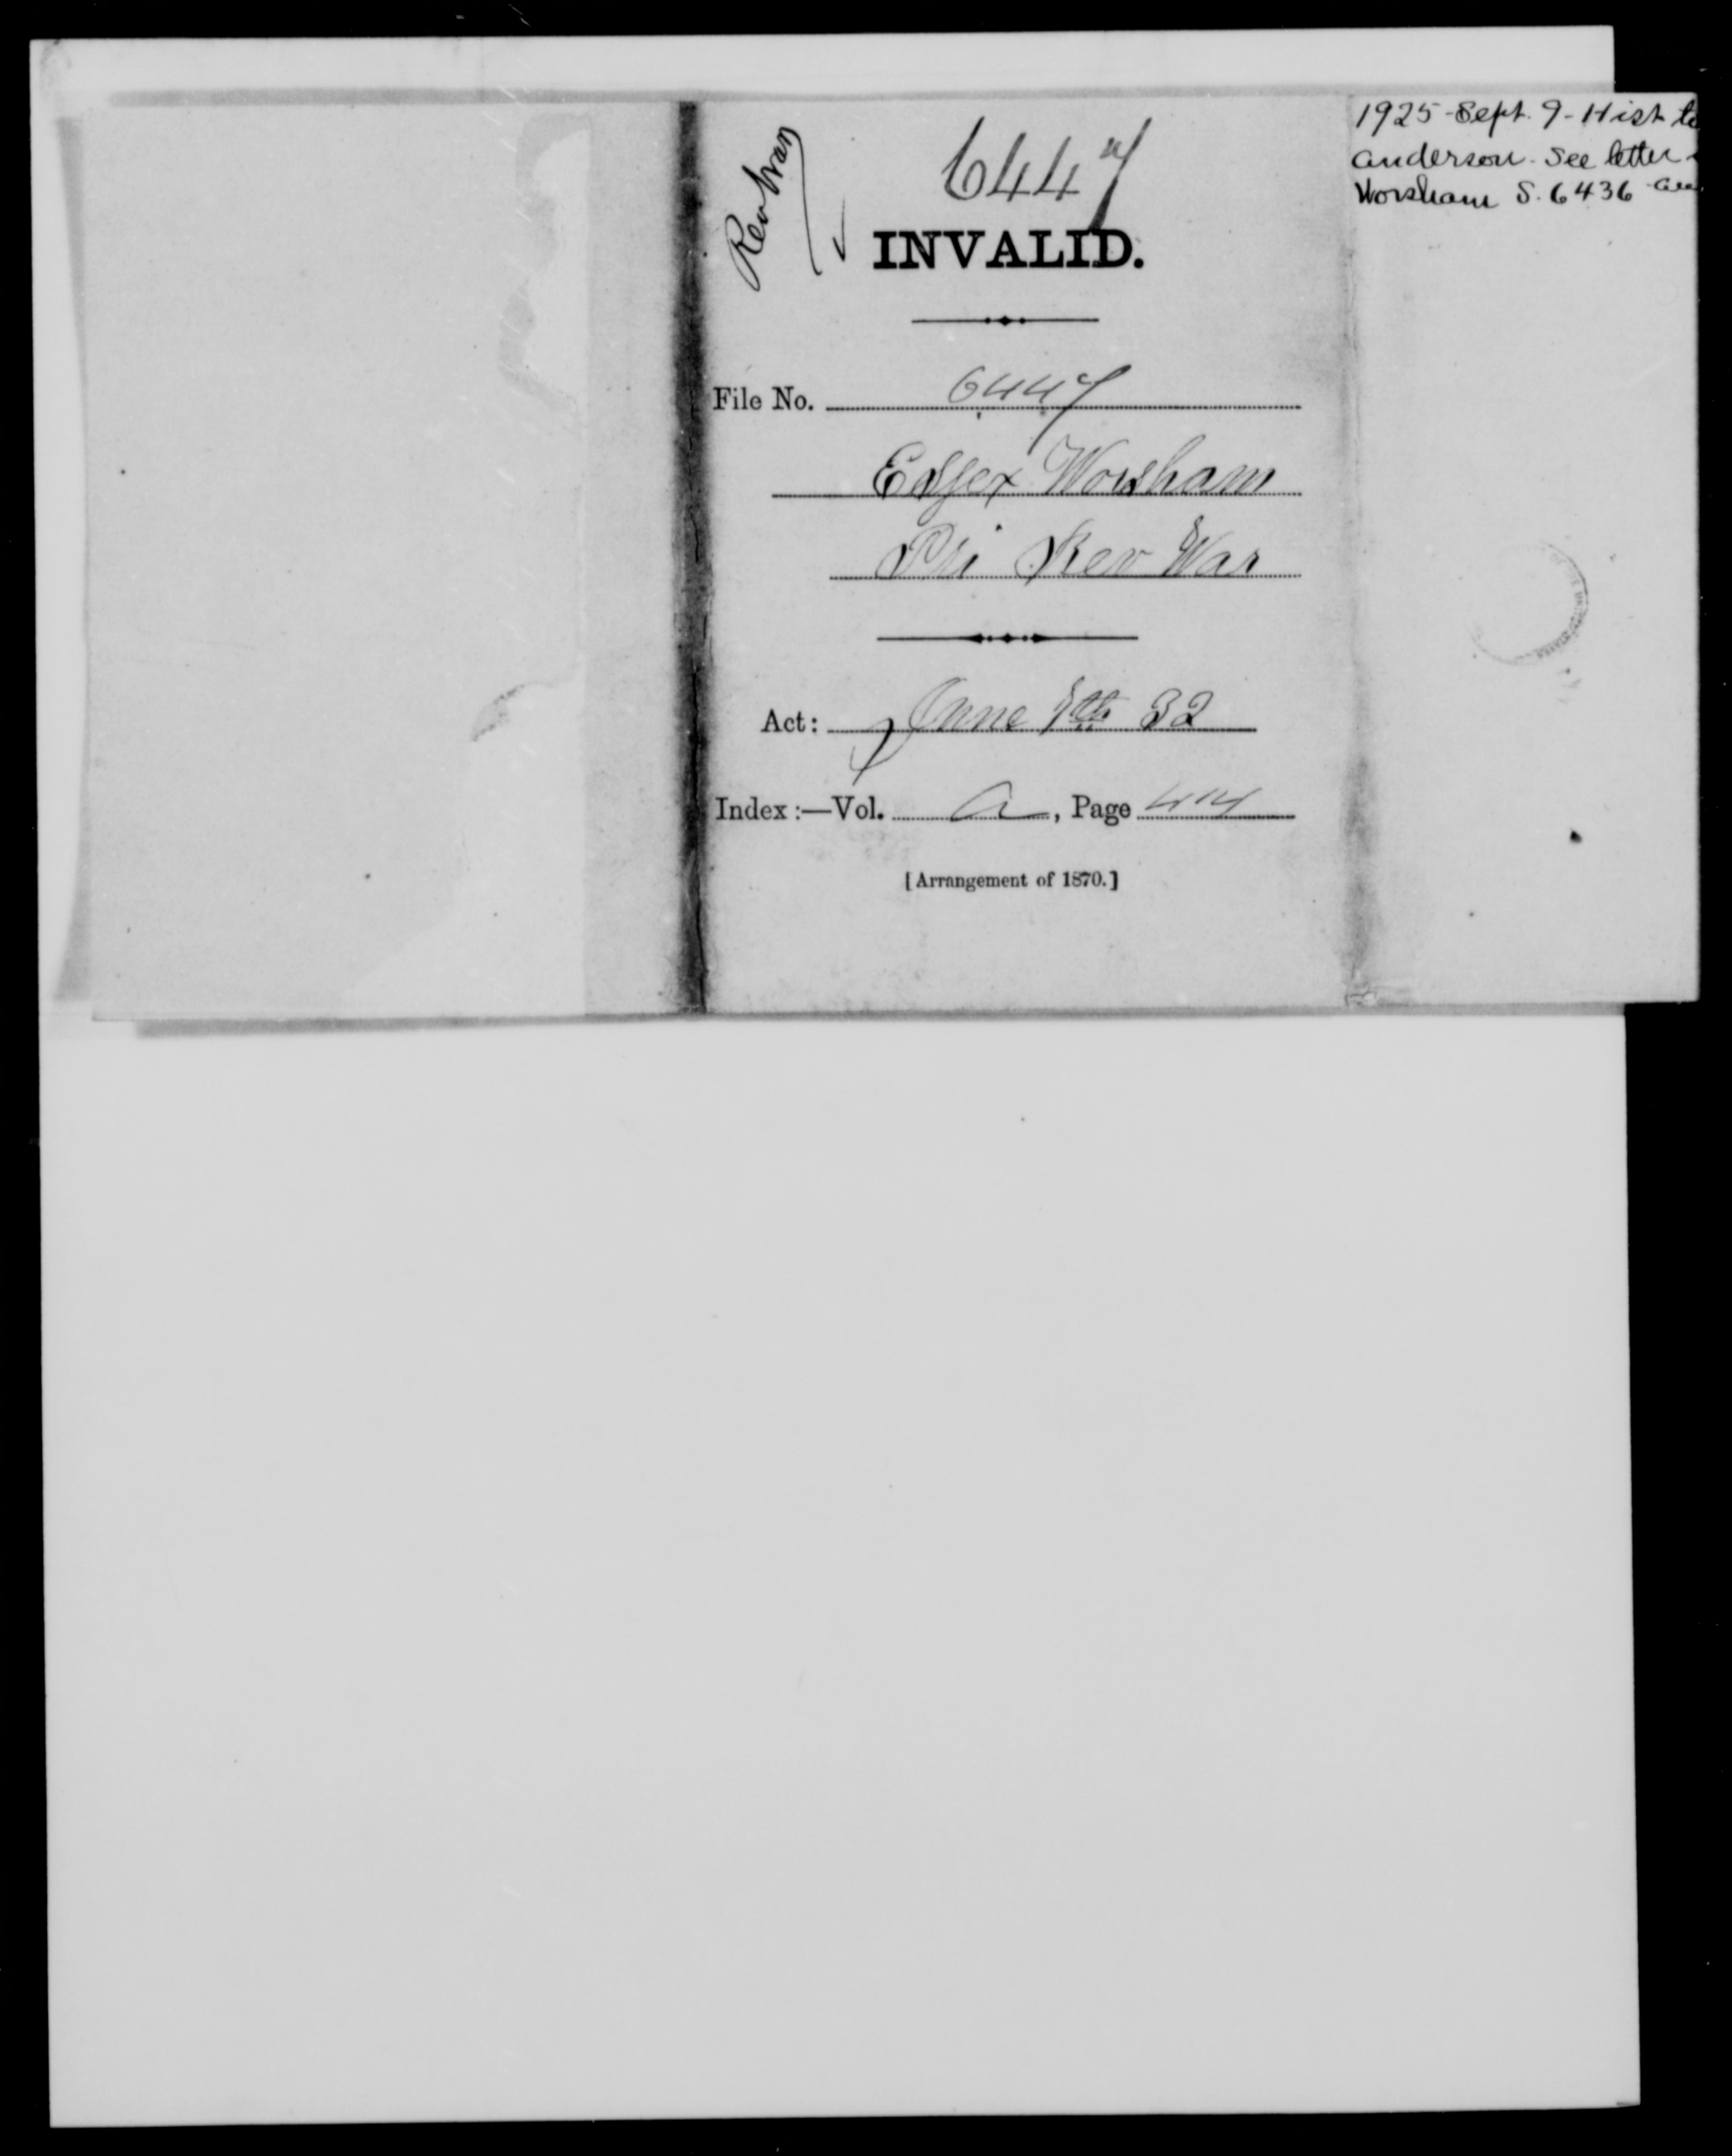Rev War
6447
INVALID.

File No. 6447
Essex Worsham
Pri Rev War

Act: June [illegible] 32
Index:- Vol. A, Page 414

[Arrangement of 1870.]

[right side of page:]
1925 - Sept 9 - Hist to
Anderson - see letter -
Worsham S. 6436 [illegible]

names: Essex Worsham, Anderson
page: 16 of 16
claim: survivor's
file: S. 6,447, Essex Worsham, Va.